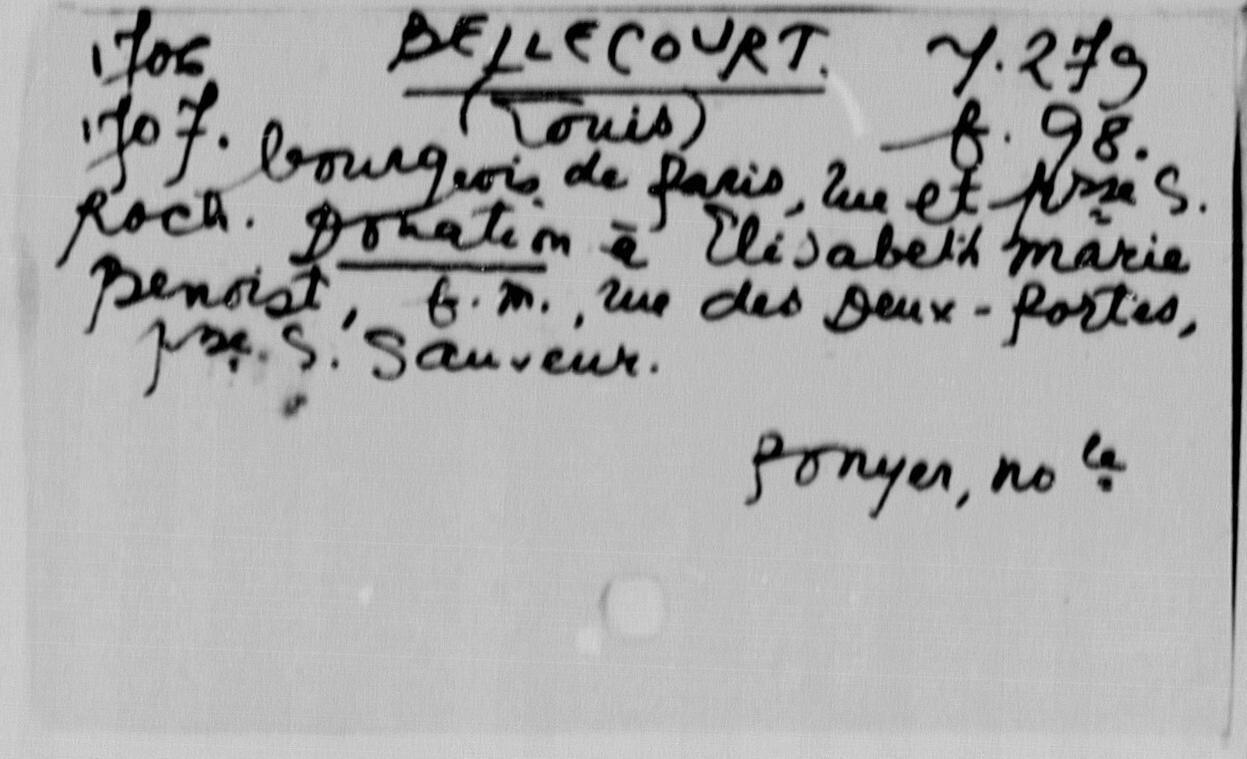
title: BELLECOURT (Louis)
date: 1706-1707
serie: Y
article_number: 279
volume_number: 98
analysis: bourgeois de Paris, rue et paroisse Saint-Roch. Donation à Elisabeth Marie Benoist, fille majeure, rue des Deux-Portes, paroisse Saint-Sauveur. Ponyer, notaire.
